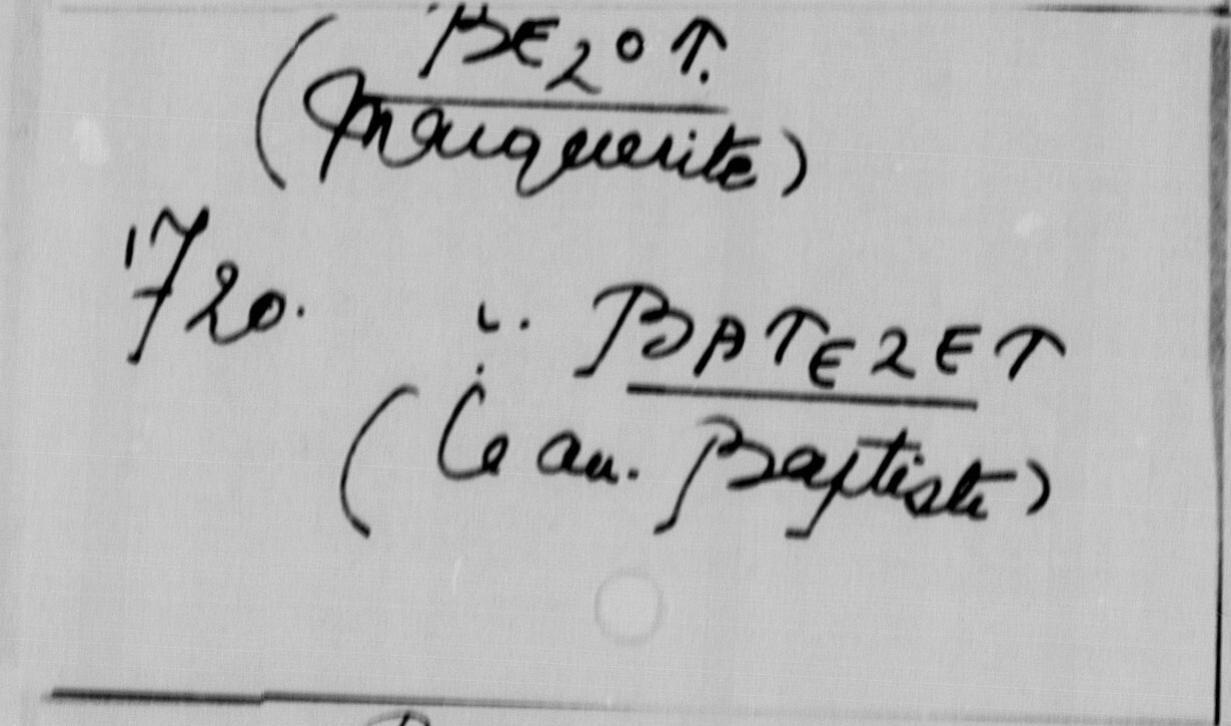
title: BELOT (Marguerite)
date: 1720
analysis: Voir BATELET (Jean-Baptiste)
